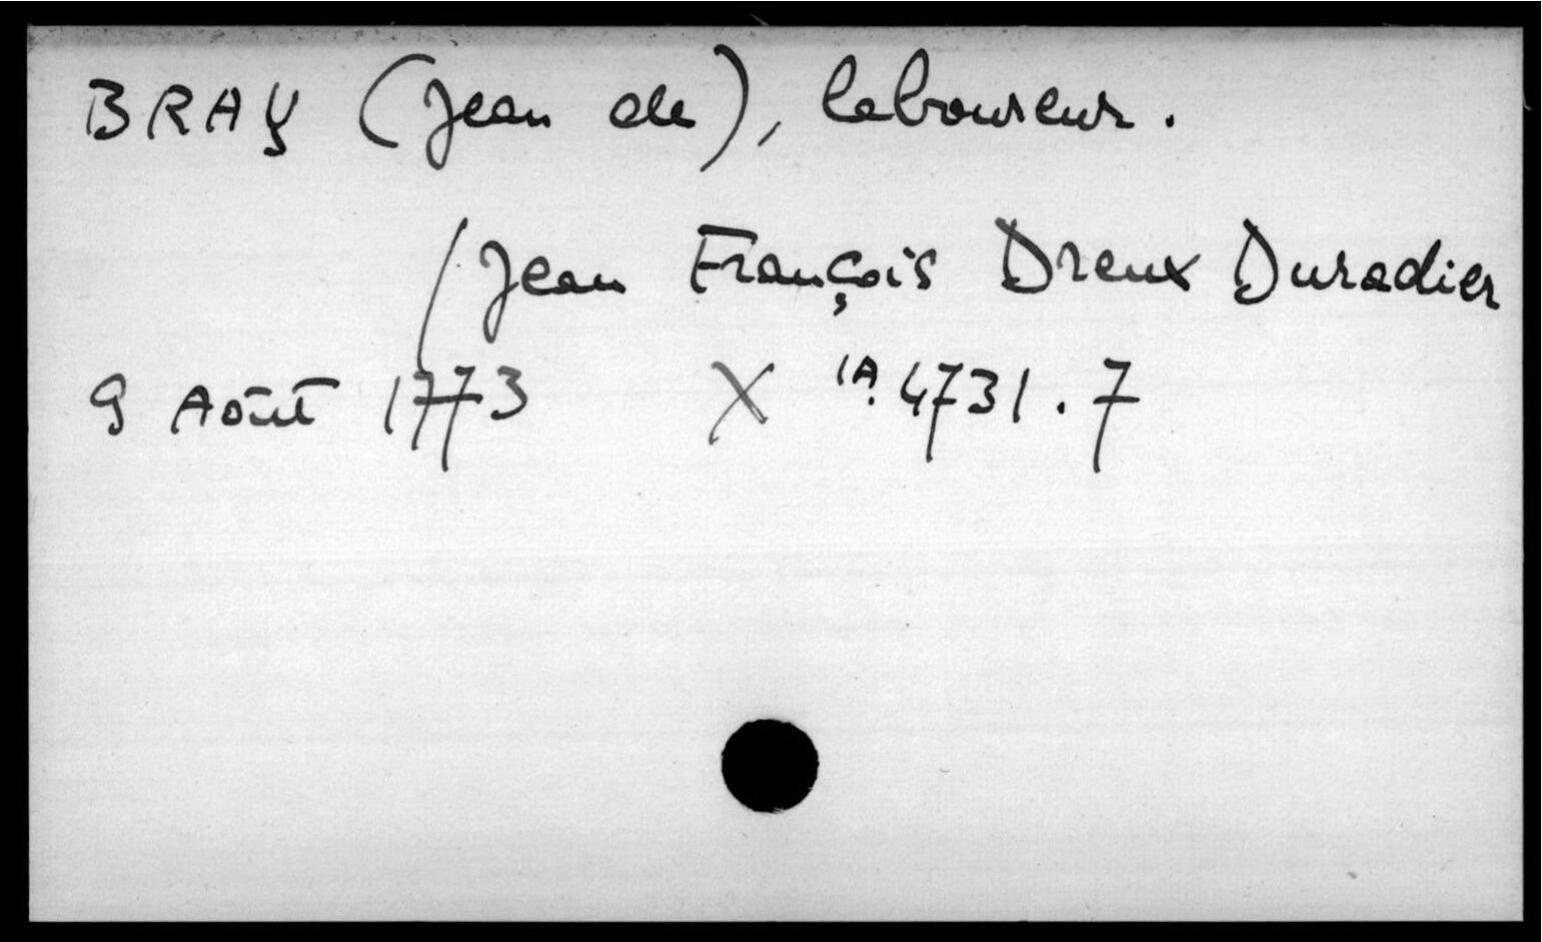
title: BRAY (Jean de), laboureur
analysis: Contre Jean François Dreux Duradier
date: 9 août 1773
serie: X1A
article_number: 4731
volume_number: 7
